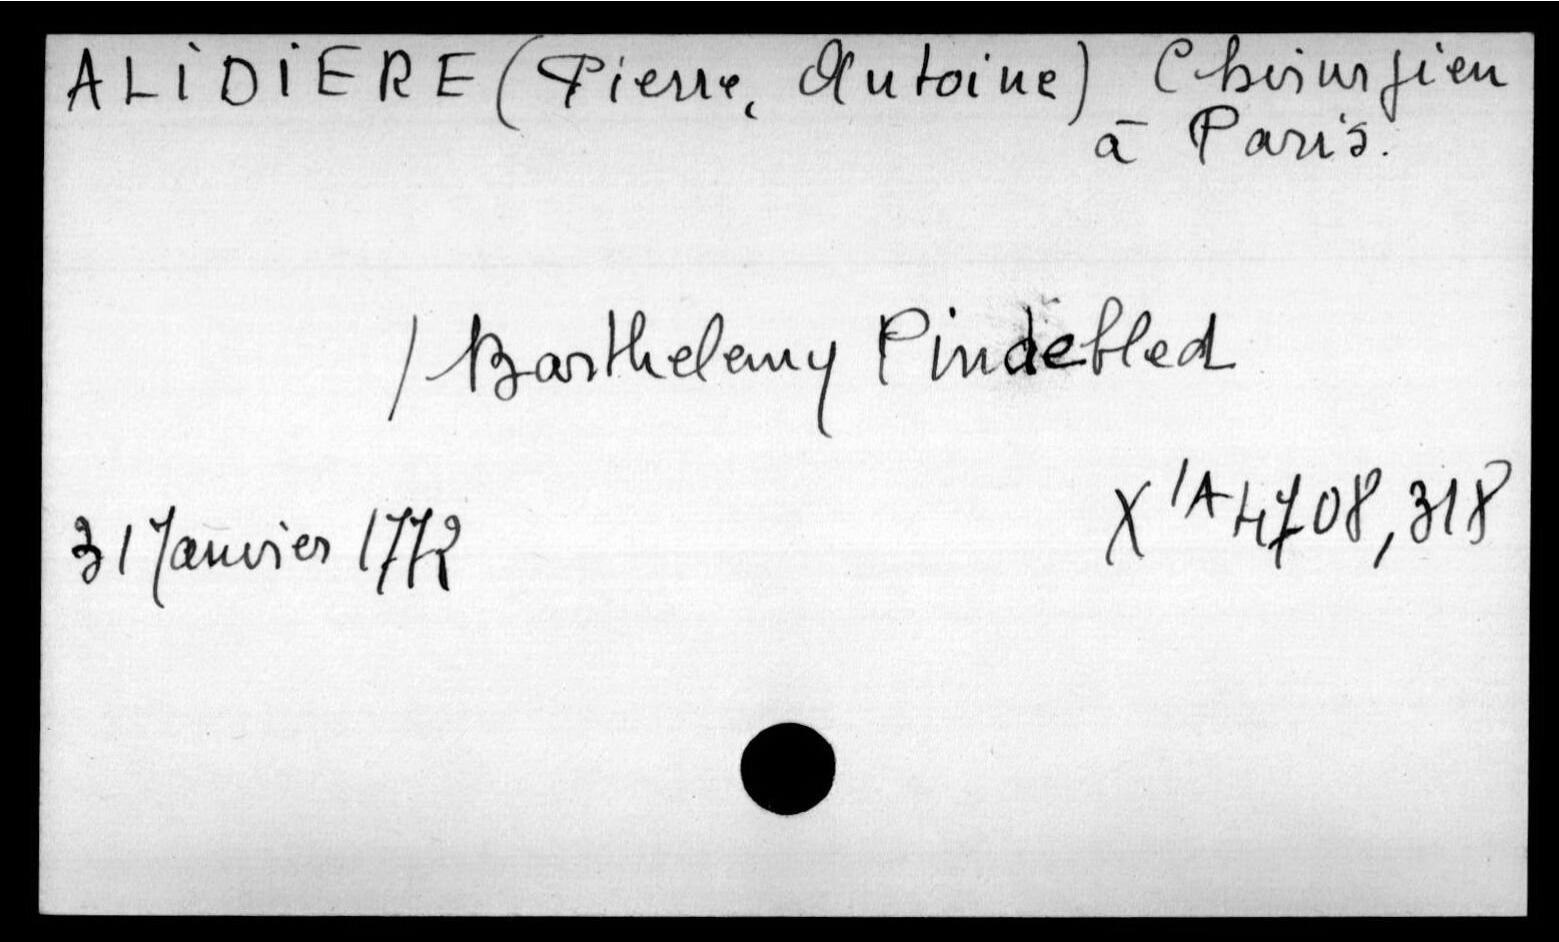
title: ALIDIERE (Pierre, Antoine) Chirurgien à Paris.
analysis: Contre Barthélemy Pindebled
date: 31 janvier 1772
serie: X1A
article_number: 4708
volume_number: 318
